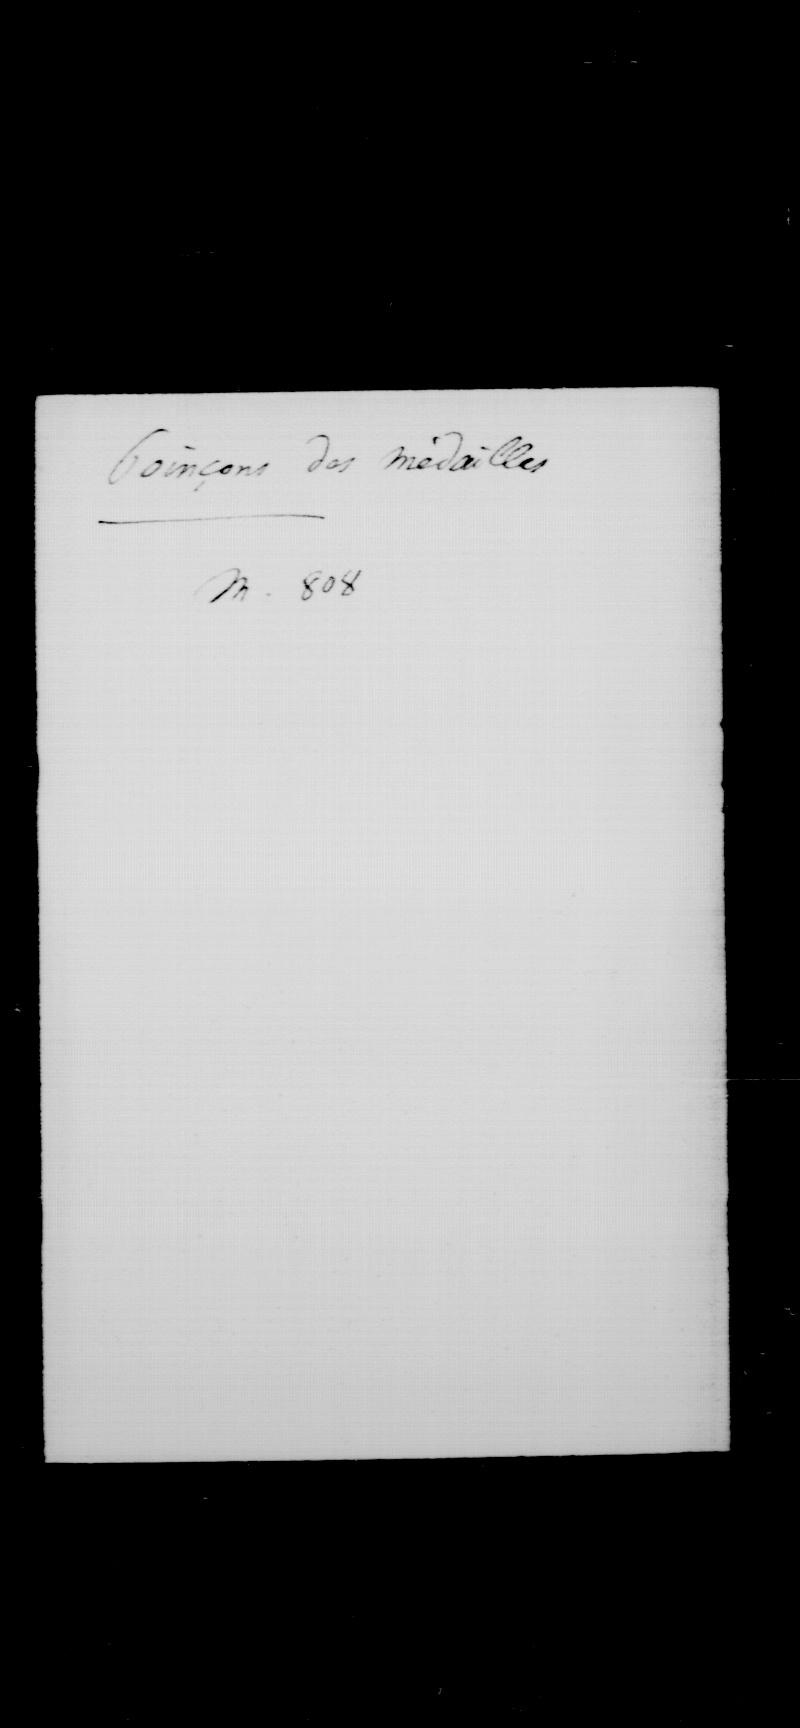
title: Poinçons des médailles
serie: M
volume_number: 808
